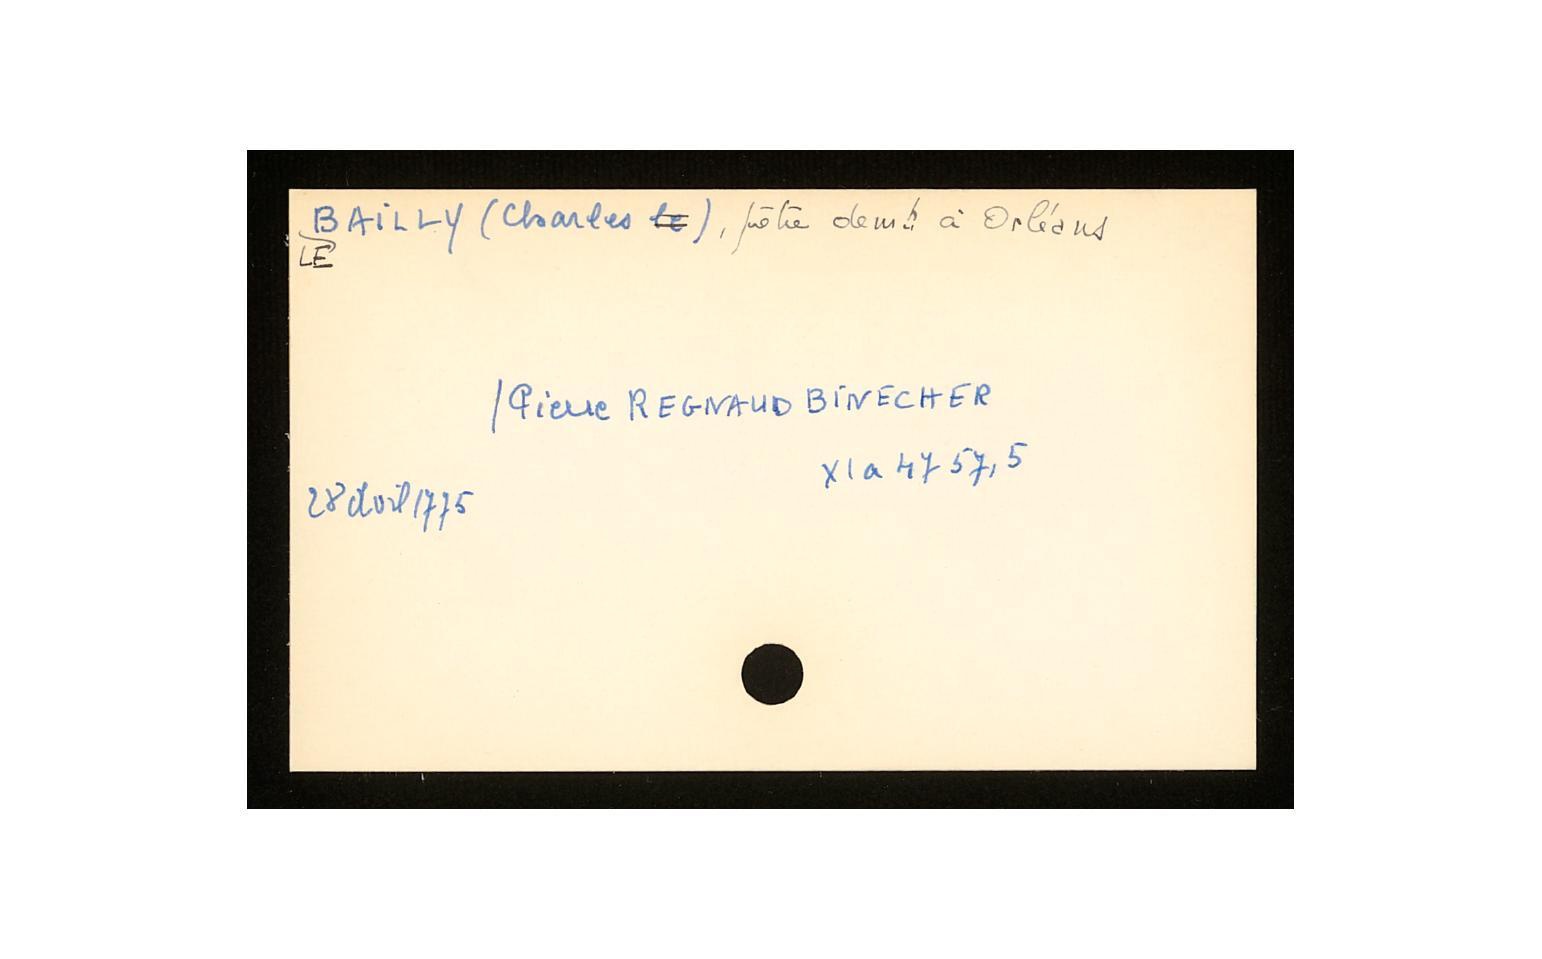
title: LEBAILLY (Charles de), prêtre demeurant à Orléans
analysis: Contre Pierre REGNAUD BINECHER
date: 28 avril 1775
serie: X1a
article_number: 4757
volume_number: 5
